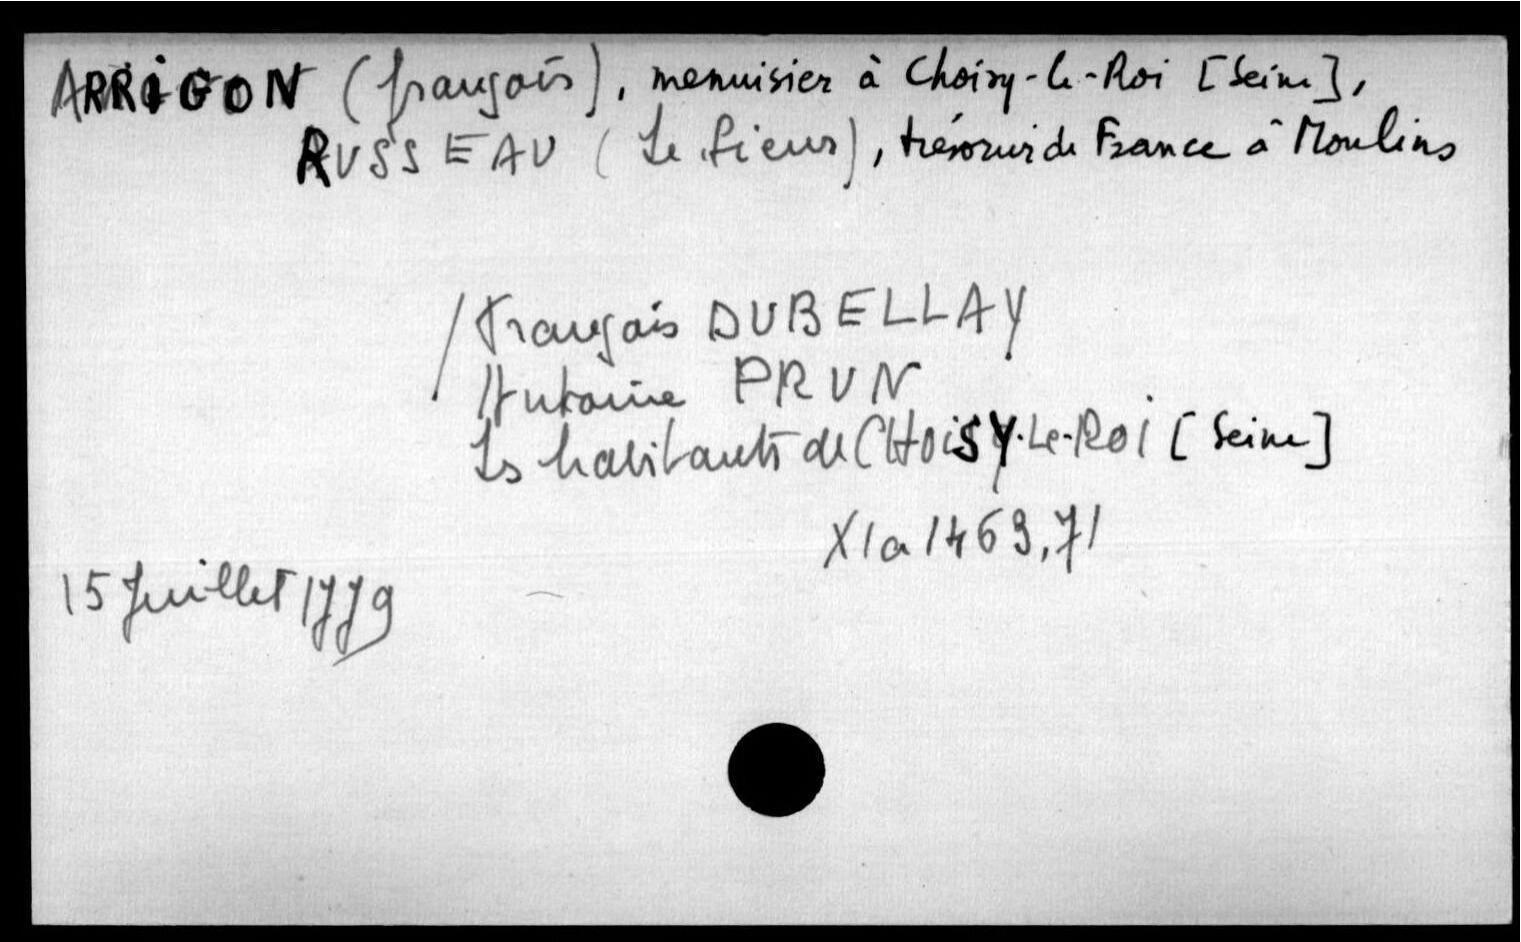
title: ARRIGON (François), menuisier à Choisy-le-Roi [Seine] RUSSEAU (Le sieur), trésorier de France à Moulins
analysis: Contre François DUBELLAY Antoione PRUN les habitants de Choisy-le-Roi [Seine]
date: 15 juillet 1779
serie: X1a
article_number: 1463
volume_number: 71
